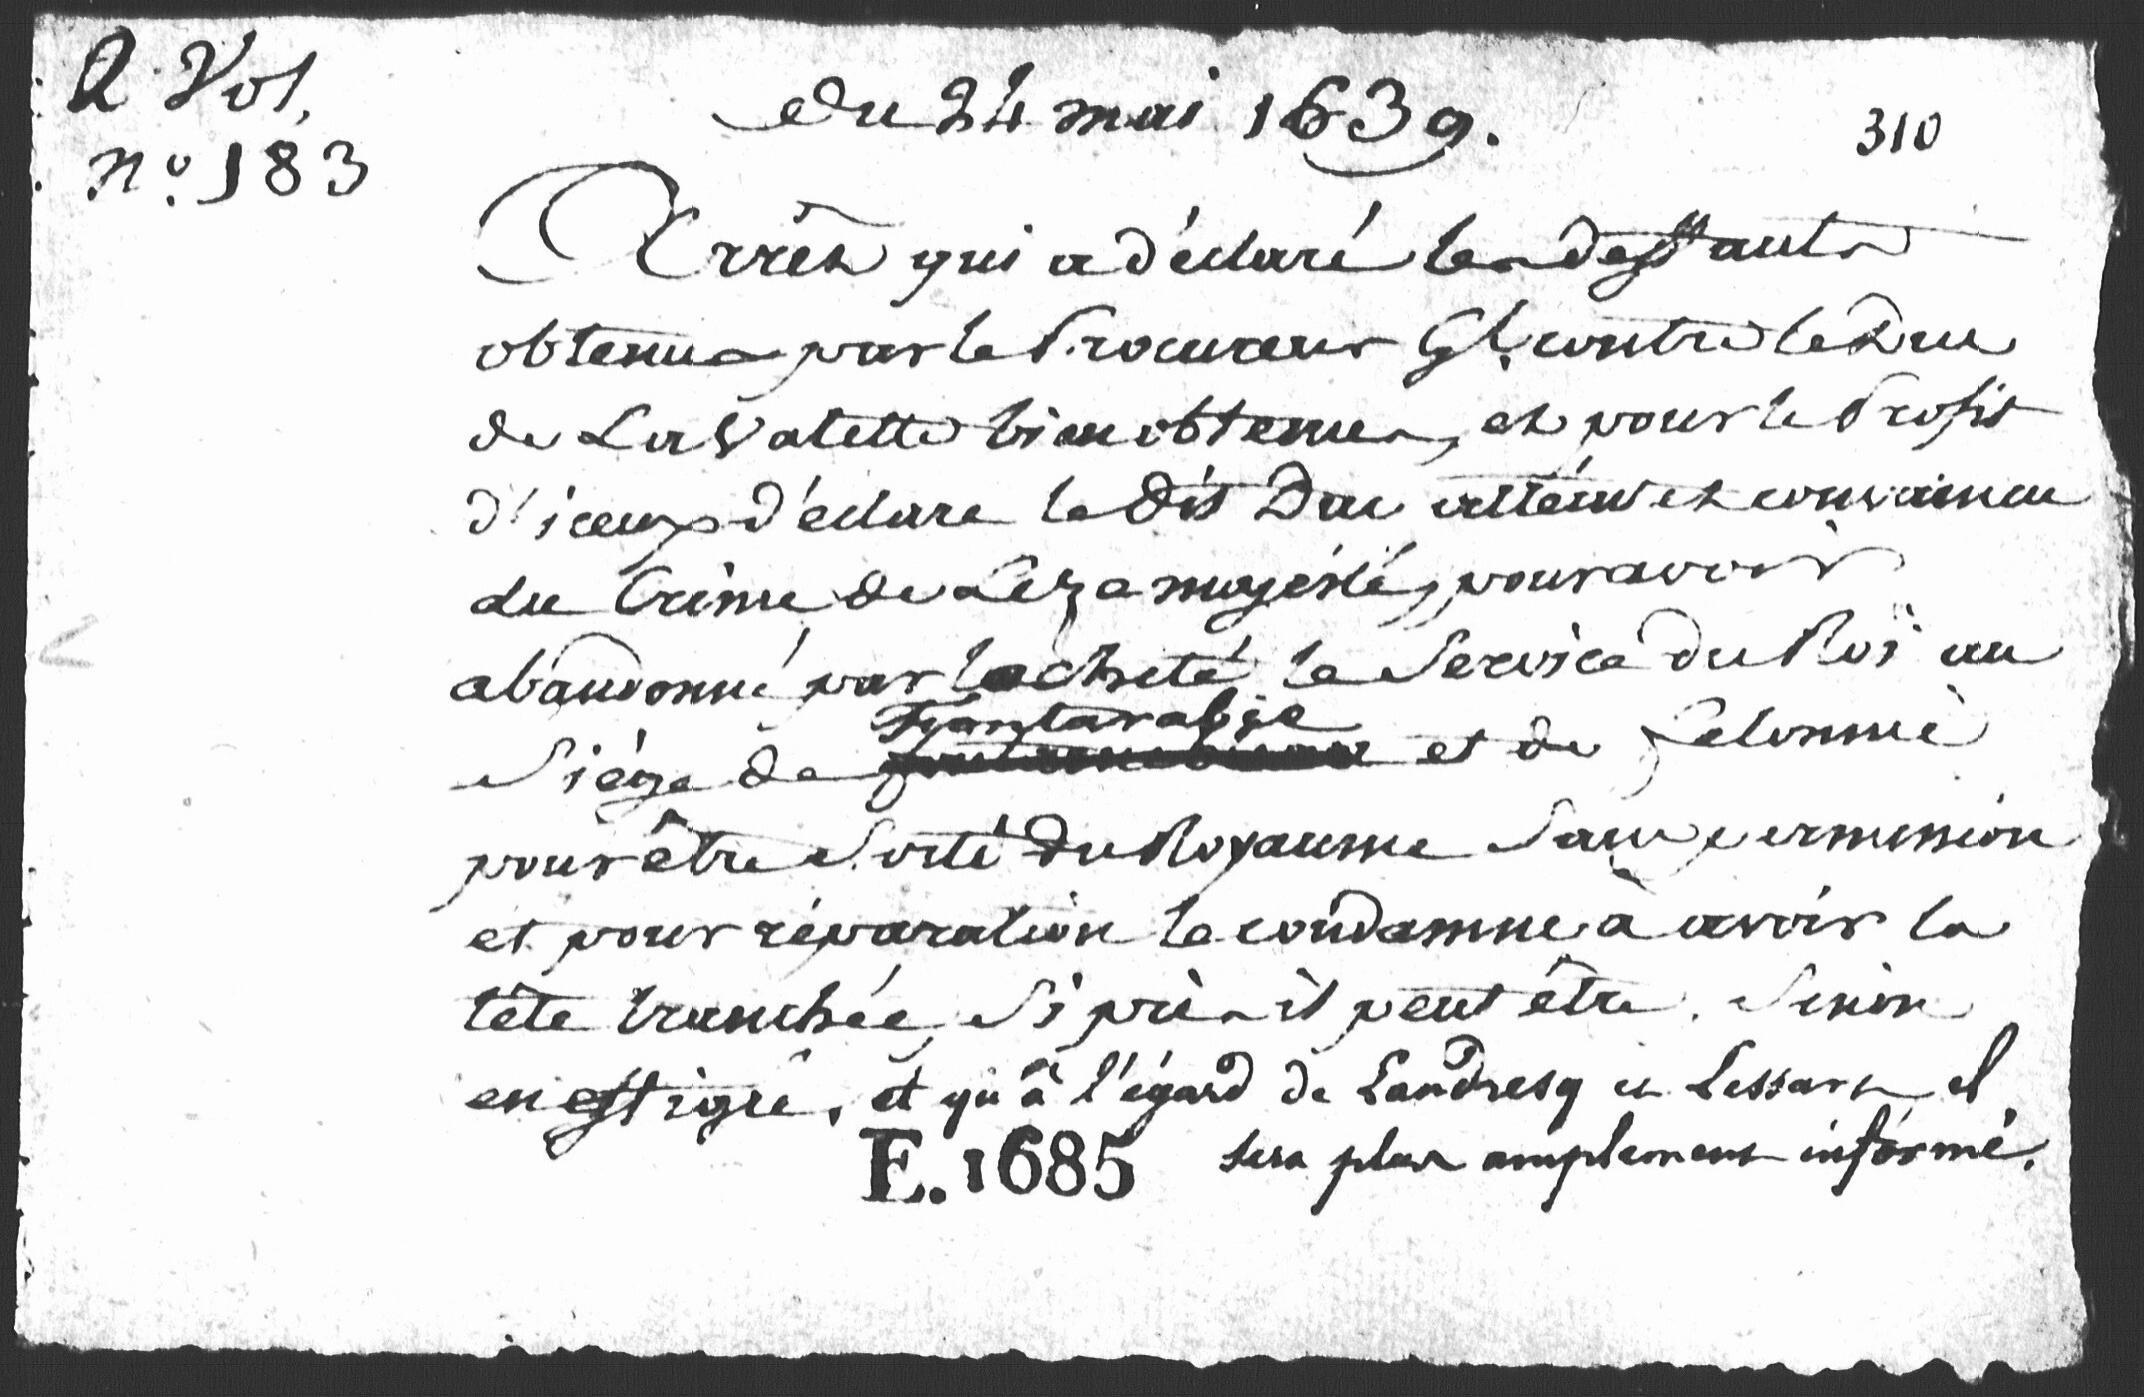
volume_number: n°183
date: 24 mai 1639
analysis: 310
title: Arrêt qui a déclaré les deffauts obtenus par le Procureur G.l contre le Duc de La Valette bien obtenus, et pour le profit d'iceux déclare ledit Duc atteint et convaincu du crime de leze majesté, pour avoir abandonné par lacheté le service du Roi au siège de Fontarabie et de felonnie pour être sorti du roayaume sans permission et pour réparation le condamne à avoir la tête tranchée, si pris il peut être, sinon en effigie, et qu'à l'égard de Landresq et Lessart il sera plus amplement informé.
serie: E
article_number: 1685
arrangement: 2 vol.
